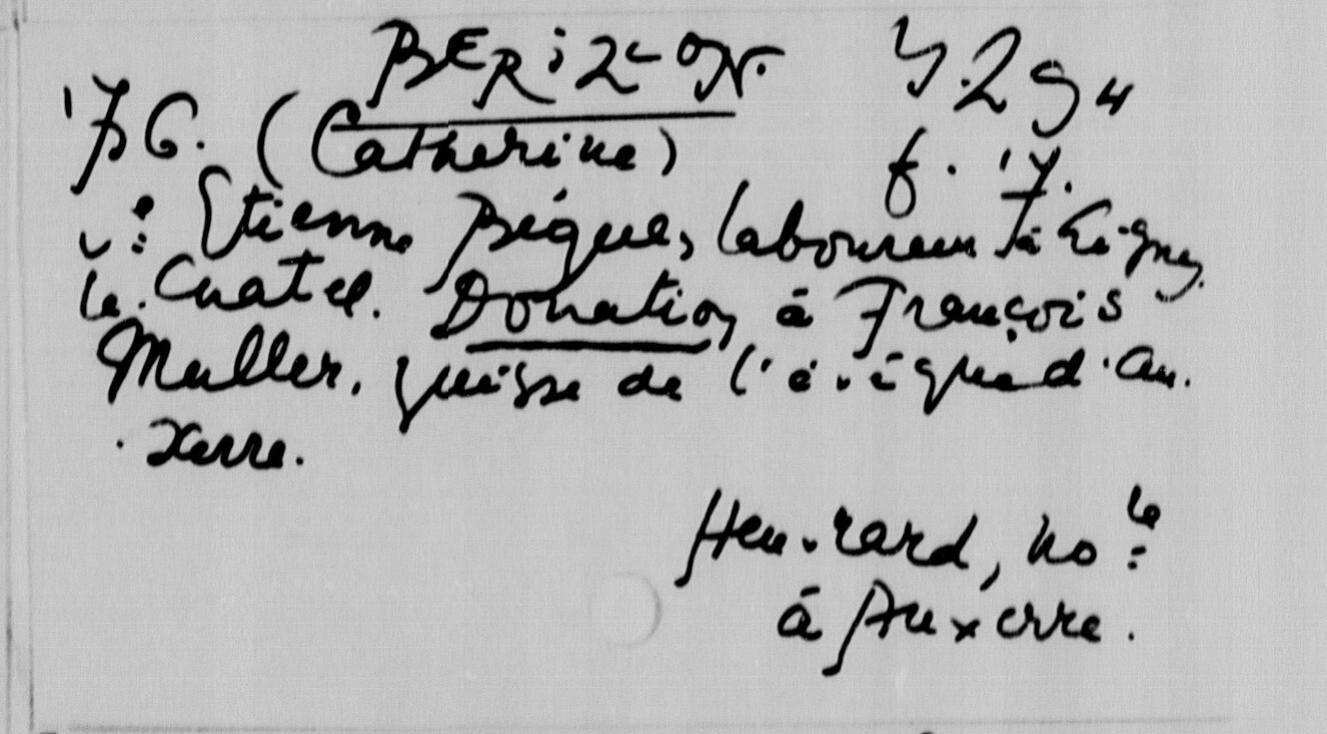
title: BERILLON (Catherine)
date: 1716
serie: Y
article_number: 294
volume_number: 17
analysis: Veuve Etienne Bègue, laboureur à Ligny-le-Châtel. Donation à François Muller, suisse de l'évêque d'Auxerre. Heuvrard, notaire à Auxerre.
